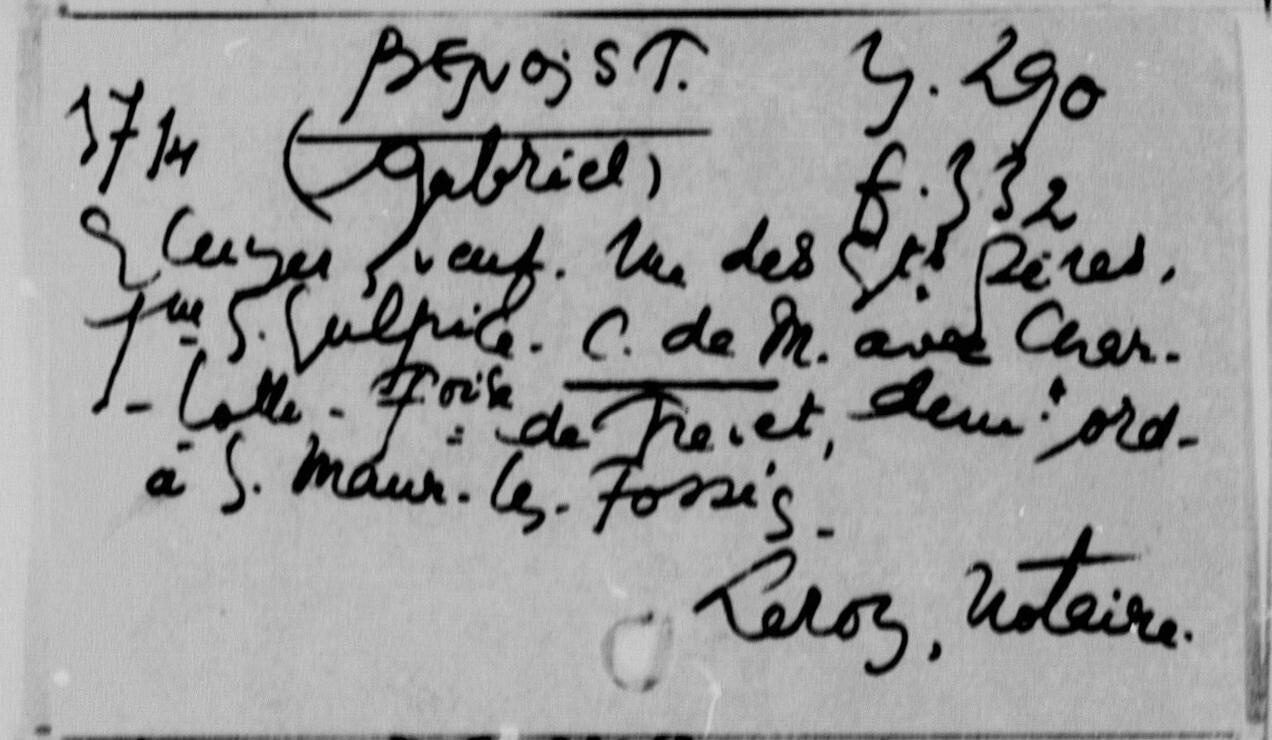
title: BENOIST (Gabriel)
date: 1714
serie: Y
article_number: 290
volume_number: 332
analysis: Écuyer, veuf, rue des Saints-Pères, paroisse Saint-Sulpice. Contrat de mariage avec Charloltt Françoise de Trevet, demeurant ordinairement à Saint-Maur-les-Fossés. Leroy, notaire.
